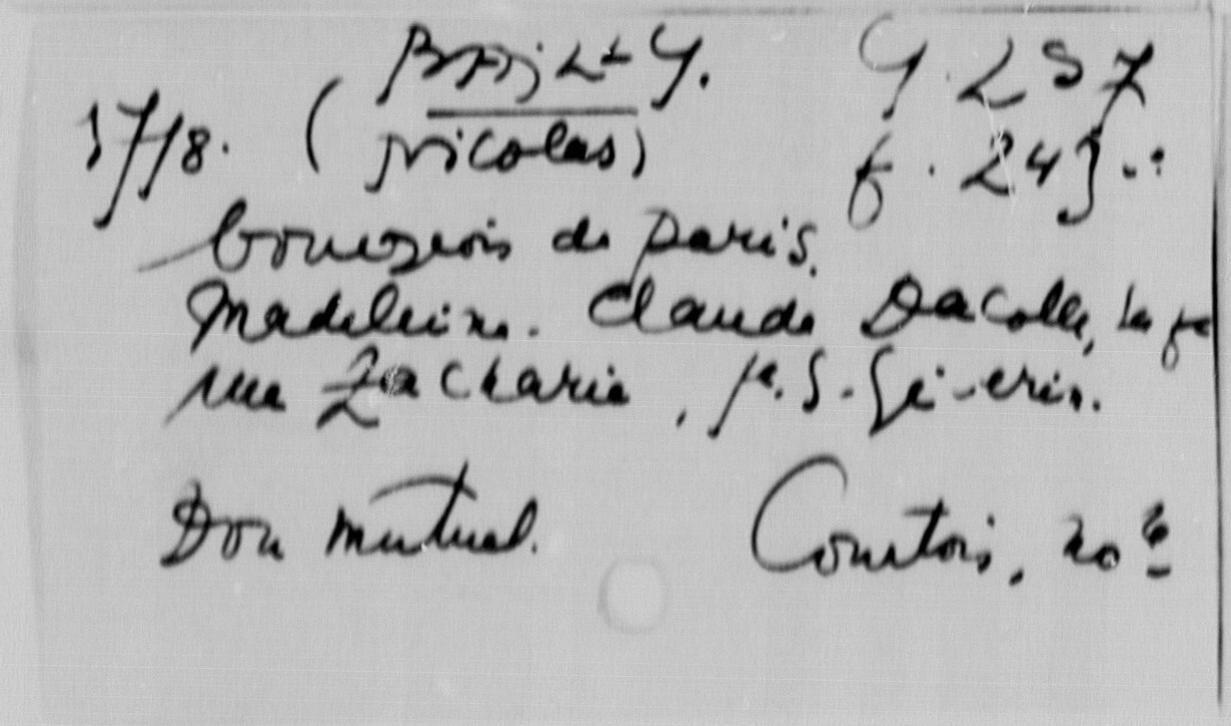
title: BAILLY (Nicolas)
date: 1718
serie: Y
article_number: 257
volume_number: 243v
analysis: Bourgeois de Paris. Madeleine-Claude Dacolle, sa femme, rue Zacharie, paroisse Saint-Séverin. Don mutuel. Courtois, notaire
